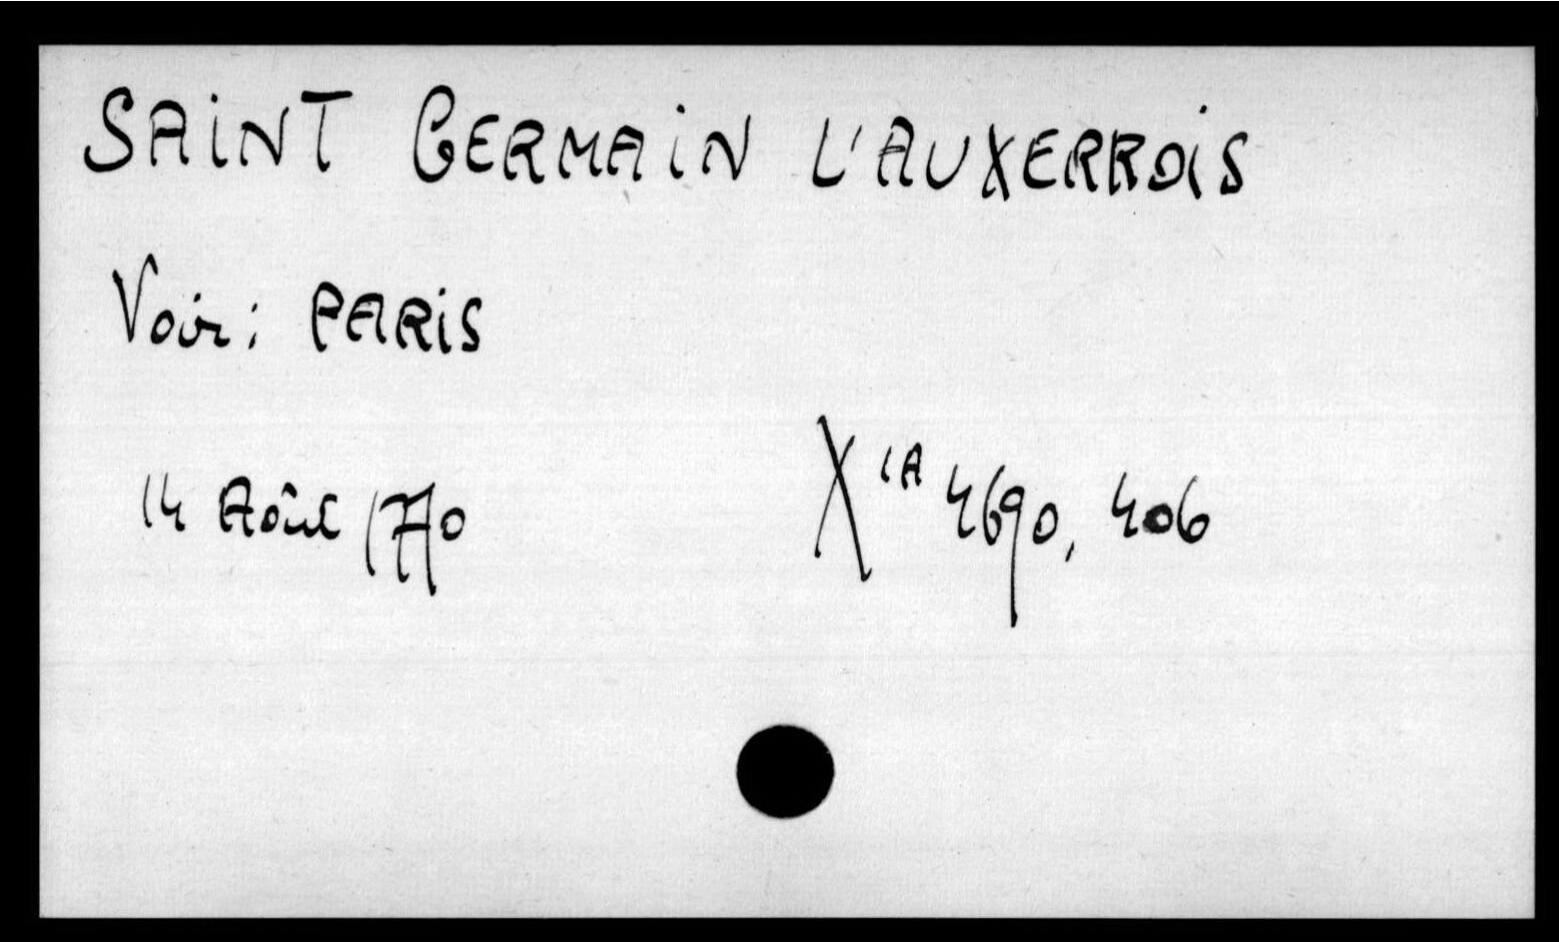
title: SAINT GERMAIN L'AUXERROIS
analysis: Voir : PARIS
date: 14 août 1770
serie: X1A
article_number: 4690
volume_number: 406
